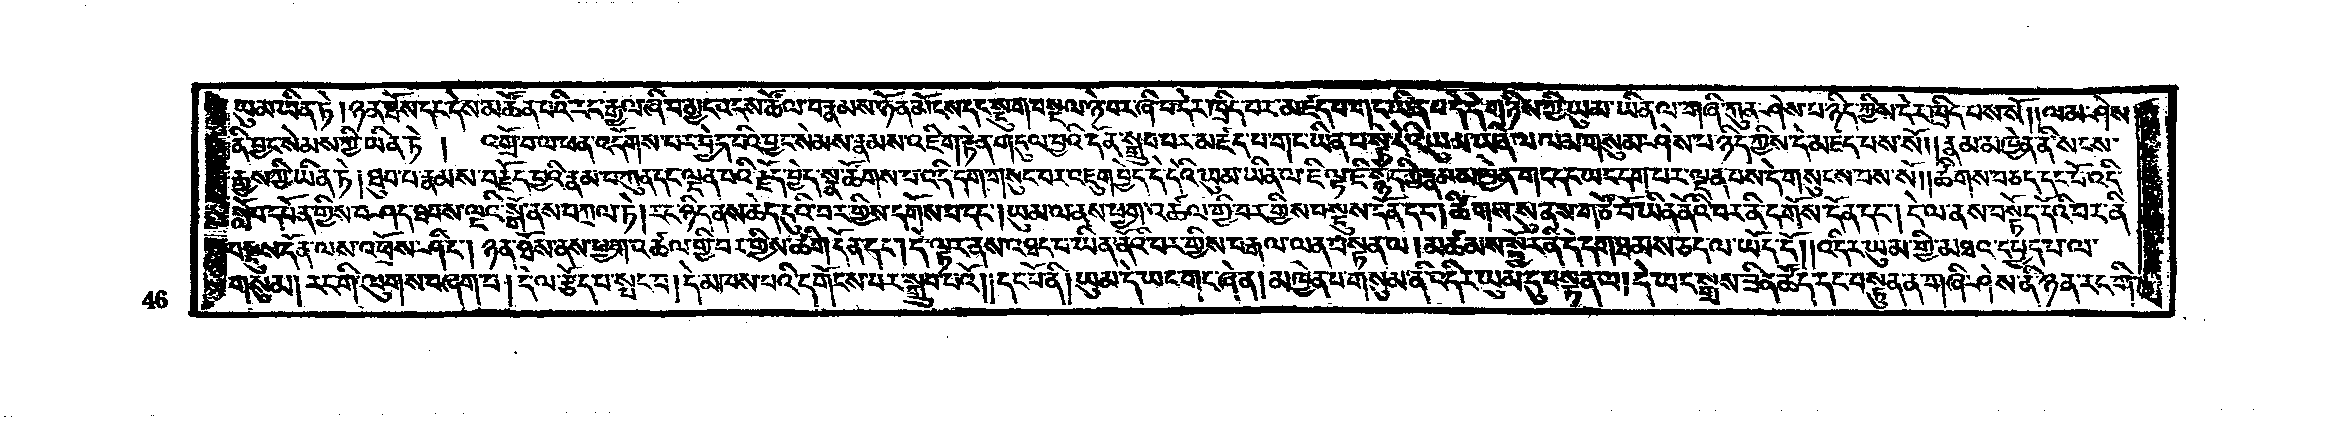ཡུམ་ཡིན་ཏེ། ཉན་ཐོས་དང་དེས་མཚོན་པའི་རང་རྒྱལ་ཞི་བ་མྱང་འདས་ཚོལ་བ་རྣམས་ཉོན་མོངས་དང་སྡུག་བསྔལ་ཉེ་བར་ཞི་བ་དེར་ཁྲིད་པར་མཛད་པ་གང་ཡིན་པ་དེ་དེ་གཉིས་ཀྱི་ཡུམ་ཡིན་ལ་གཞི་ཀུན་ཤེས་པ་ཉིད་ཀྱིས་དེར་ཁྲིད་པས་སོ། །ལམ་ཤེས་
ནི་བྱང་སེམས་ཀྱི་ཡིན་ཏེ། འགྲོ་བ་ལ་ཕན་འདོགས་པར་བྱེད་པའི་བྱང་སེམས་རྣམས་འཇིག་རྟེན་གདུལ་བྱའི་དོན་སྒྲུབ་པར་མཛད་པ་གང་ཡིན་པ་སྟེ་དེའི་ཡུམ་ཡིན་ལ་ལམ་གསུམ་ཤེས་པ་ཉིད་ཀྱིས་དེ་མཛད་པས་སོ། །རྣམ་མཁྱེན་ནི་སངས་
རྒྱས་ཀྱི་ཡིན་ཏེ། ཐུབ་པ་རྣམས་བརྗོད་བྱའི་རྣམ་པ་ཀུན་དང་ལྡན་པའི་རྗོད་བྱེད་སྣ་ཚོགས་པ་འདི་དག་གསུང་བར་འཇུག་བྱེད་དེ་དེའི་ཡུམ་ཡིན་ལ་ཇི་ལྟ་ཇི་སྙེད་ཀྱི་རྣམ་མཁྱེན་གང་དང་ཡང་དག་པར་ལྡན་པས་དེ་གསུངས་པས་སོ། །ཚིགས་བཅད་དང་པོ་འདི་
སློབ་དཔོན་གྱིས་བཤད་ཐབས་ལྔའི་སྒོ་ནས་བཀྲལ་ཏེ། རང་ཉིད་ནས་ཆེད་དུའི་བར་གྱིས་དགོས་པ་དང་། ཡུམ་ལ་ནས་ཕྱག་འཚལ་གྱི་བར་གྱིས་བསྡུས་དོན་དང་། ཚིགས་སུ་ནས་གཙོ་བོ་ཡིན་ནོའི་བར་ནི་དགོས་དོན་དང་། དེ་ལ་ནས་བསྟོད་དོའི་བར་ནི་
བསྡུས་དོན་ལས་འཕྲོས་ཤིང་། ཉན་ཐོས་ནས་ཕྱག་འཚལ་གྱི་བར་གྱིས་ཚིག་དོན་དང་། དེ་ལྟར་ནས་འཐད་པ་ཡིན་ནོའི་བར་གྱིས་བརྒལ་ལན་བསྟན་ལ། མཚམས་སྦྱོར་ནི་དེ་དག་ཐམས་ཅད་ལ་ཡོད་དོ། །འདིར་ཡུམ་གྱི་མཐའ་དཔྱད་པ་ལ་
གསུམ། རང་གི་ལུགས་བཞག་པ། དེ་ལ་རྩོད་པ་སྤང་བ། དེ་མཁས་པའི་དགོངས་པར་སྒྲུབ་པའོ། །དང་པོ་ནི། ཡུམ་དེ་ཡང་གང་ཞེ་ན། མཁྱེན་པ་གསུམ་ནི་འདིར་ཡུམ་དུ་བསྟན་ལ། དེ་ཡང་སྒྲས་ཟིན་ཚོད་དང་བསྟུན་ན་གཞི་ཤེས་ནི་ཉན་རང་གི་